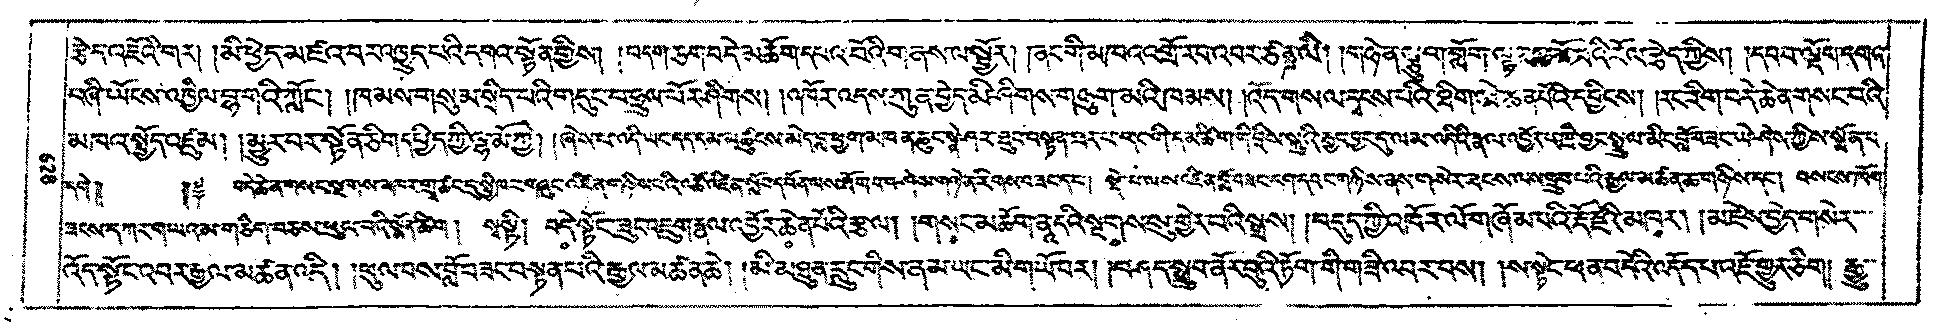རྩེད་འཇོའི་གར། །མི་ཕྱེད་མཛའ་བར་འཁྱུད་པའི་དགའ་སྟོན་གྱིས། །བདག་ཅག་བདེ་མཆོག་དཔའ་བོའི་གནས་ལ་སྦྱོར། །ནང་གི་མཁའ་འགྲོ་རབ་འབར་ཙནྜ་ལི། །གཉེན་ལྕུག་གློག་ལྟར་གཡོ་བའི་རོལ་རྩེད་ཀྱིས། །དབབ་ལྡོག་དགའ་
བཞི་ཡོངས་འཁྱིལ་བྷ་གའི་ཀློང་། །ཁམས་གསུམ་སྲིད་པའི་གདུང་བ་ཧྲུལ་པོར་ཤིགས། །འཁོར་འདས་ཀུན་བྱེད་མི་ཤིགས་གཉུག་མའི་ཁམས། །འོད་གསལ་དྭངས་པའི་ཐིག་ལེ་ཆེན་པོའི་དབྱིངས། །རང་རིག་བདེ་ཆེན་གསང་བའི་
མཁའ་སྤྱོད་འཛུམ། །མྱུར་བར་སྟོན་ཅིག་དཔྱིད་ཀྱི་ལྷ་མོ་ཀྱེ། །ཞེས་པ་འདི་ཡང་དད་དམ་མཚུངས་མེད་བླ་ཕྱག་མཁན་ཆུང་སྣེ་ཤར་ཐུཨིབ་བསྟན་ཐར་པ་གང་གི་དམ་ཚིག་གི་བྲིས་སྐུའི་རྒྱབ་བྱང་དུ་ལམ་འདིའི་རྣལ་འབྱོར་པ་ཁྲི་བྱང་སྤྲུལ་མིང་བློ་བཟང་ཡེ་ཤེས་ཀྱིས་སྨོན་པ་
དགེ།། །། ༈ བདེ་ཆེན་གསང་སྔགས་མཁར་གྲྭ་ཚང་དུ་སྤྱི་ཁང་གཞུང་འཛིན་གཉིས་པའི་འཚོ་འཛིན་སློབ་དཔོན་ལས་ཐོག་པ་བཤེས་གཉེན་རིགས་བཟང་དང་། སྡེ་པ་ལས་འཛིན་བློ་བཟང་ངག་དབང་གཉིས་ནས་གསེར་ཟངས་ལས་གྲུབ་པའི་རྒྱལ་མཚན་ཆ་གཉིས་དང་། བསངས་ཁོག་
ཟངས་དཀར་གཡའ་མ་གཅིག་བཅས་ཕུལ་བའི་སྨོན་ཚིག །སྭ་སྟི། བདེ྾་སྟོང་ཟུང་འཇུག་རྣལ་འབྱོར྾་ཆེན྾་པོའི་རྩལ། །གསང྾་མཆོག་ནཱ་དའི་སྔགས྾་སུ་གྱེར་བའི་སྒྲས། །བདུད་ཀྱི་འཁོར་ལོ་གཞོམ་པའི་རྡོ་རྗེའི་མཁར྾། །མཛེས་བྱེད་གསེར་
འོད་སྟོང་འབར་རྒྱལ་མཚན་འདི། །ཕུལ་བས་བློ་བཟང་བསྟན་པའི་རྒྱལ་མཚན་ཆེ། །མི་མཐུན་རླུང་གིས་ནམ་ཡང་མི་གཡོ་བར། །བཤད་སྒྲུབ་ནོར་བུའི་ཏོག་གི་གཟི་འབར་བས། །ས་སྟེང་ཕན་བདེའི་འདོད་པ་འཇོ་གྱུར་ཅིག །རྒྱུ་